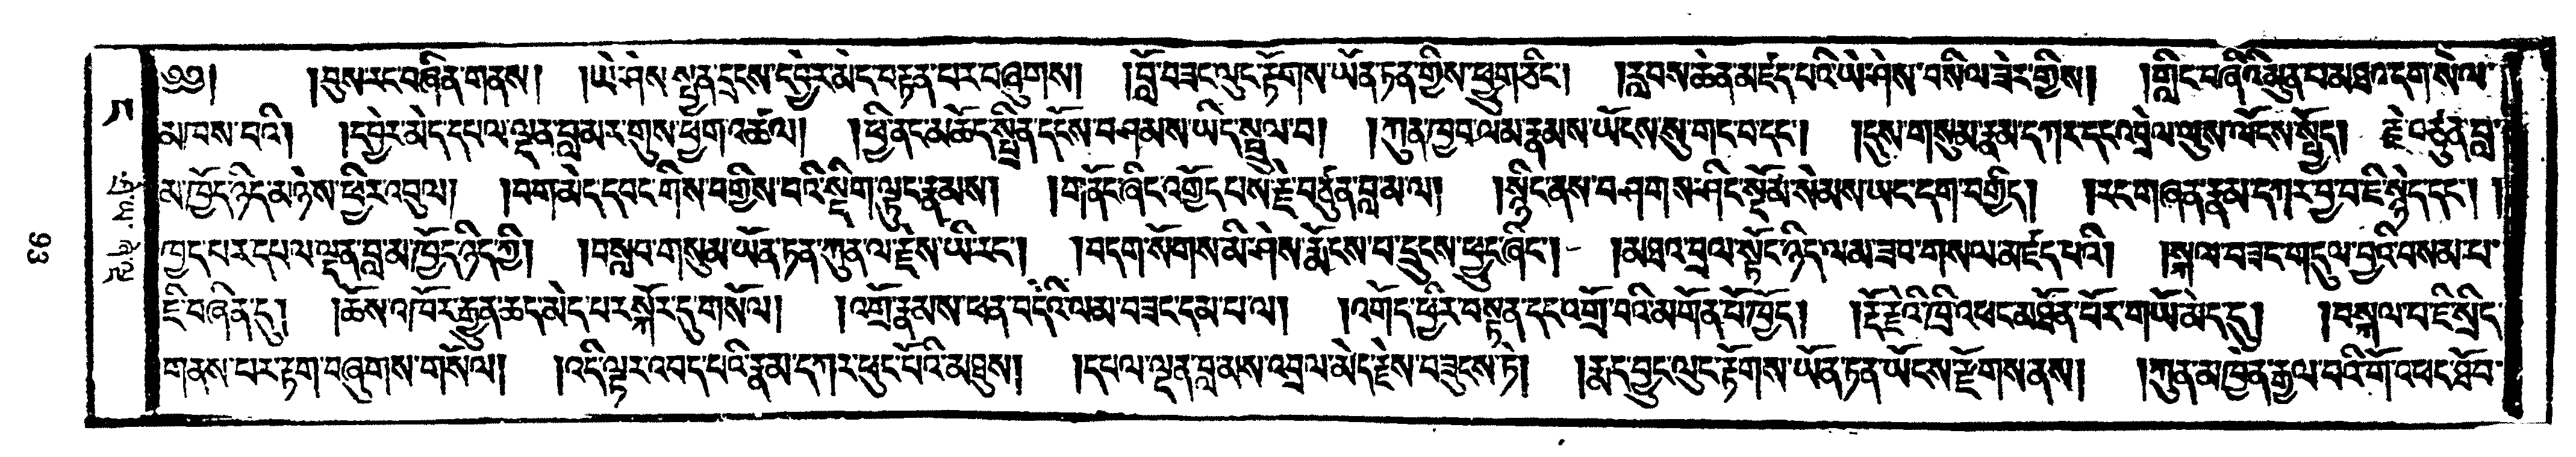༄༅། །བུས་རང་བཞིན་གནས། །ཡེ་ཤེས་སྤྱན་དྲངས་དབྱེར་མེད་བརྟན་པར་བཞུགས། །བློ་བཟང་ལུང་རྟོགས་ཡོན་ཏན་གྱིས་ཕྱུག་ཅིང་། །རླབས་ཆེན་མཛད་པའི་ཡེ་ཤེས་བསིལ་ཟེར་གྱིས། །གླིང་བཞིའི་མུན་པ་མཐའ་དག་སེལ་
མཁས་པའི། །དབྱེར་མེད་དཔལ་ལྡན་བླ་མར་གུས་ཕྱག་འཚལ། །ཕྱི་ནང་མཆོད་སྤྲིན་དངོས་བཤམས་ཡིད་སྤྲུལ་བ། །ཀུན་ཁྱབ་ལམ་རྣམས་ཡོངས་སུ་གང་བ་དང་། །དུས་གསུམ་རྣམ་དཀར་དང་འབྲེལ་ལུས་ལོངས་སྤྱོད། རྗེ་བཙུན་བླ་
མ་ཁྱོད་ཉིད་མཉེས་ཕྱིར་འབུལ། །བག་མེད་དབང་གིས་བགྱིས་པའི་སྡིག་ལྟུང་རྣམས། །གནོང་ཞིང་འགྱོད་པས་རྗེ་བཙུན་བླ་མ་ལ། །སྙིང་ནས་བཤགས་ཤིང་སྡོམ་སེམས་ཡང་དག་བགྱིད། །རང་གཞན་རྣམ་དཀར་བྱ་བ་ཇི་སྙེད་དང་། །
ཁྱད་པར་དཔལ་ལྡན་བླ་མ་ཁྱོད་ཉིད་ཀྱི། །བསླབ་གསུམ་ཡོན་ཏན་ཀུན་ལ་རྗེས་ཡི་རང་། །བདག་སོགས་མི་ཤེས་རྨོངས་པ་དྲུངས་ཕྱུང་ཞིང་། །མཐའ་བྲལ་སྟོང་ཉིད་ལམ་ཟབ་གསལ་མཛད་པའི། །སྐལ་བཟང་གདུལ་བྱའི་བསམ་པ་
ཇི་བཞིན་དུ། །ཆོས་འཁོར་རྒྱུན་ཆད་མེད་པར་སྐོར་དུ་གསོལ། །འགྲོ་རྣམས་ཕན་བདེའི་ལམ་བཟང་དམ་པ་ལ། །འགོད་ཕྱིར་བསྟན་དང་འགྲོ་བའི་མགོན་པོ་ཁྱོད། །རྡོ་རྗེའི་ཁྲི་འཕང་མཐོན་པོར་གཡོ་མེད་དུ། །བསྐལ་པ་ཇི་སྲིད་
གནས་པར་རྟག་བཞུགས་གསོལ། །འདི་ལྟར་འབད་པའི་རྣམ་དཀར་ཕུང་པོའི་མཐུས། །དཔལ་ལྡན་བླ་མས་འབྲལ་མེད་རྗེས་བཟུངས་ཏེ། །རྨད་བྱུང་ལུང་རྟོགས་ཡོན་ཏན་ཡོངས་རྫོགས་ནས། །ཀུན་མཁྱེན་རྒྱལ་བའི་གོ་འཕང་ཐོབ་